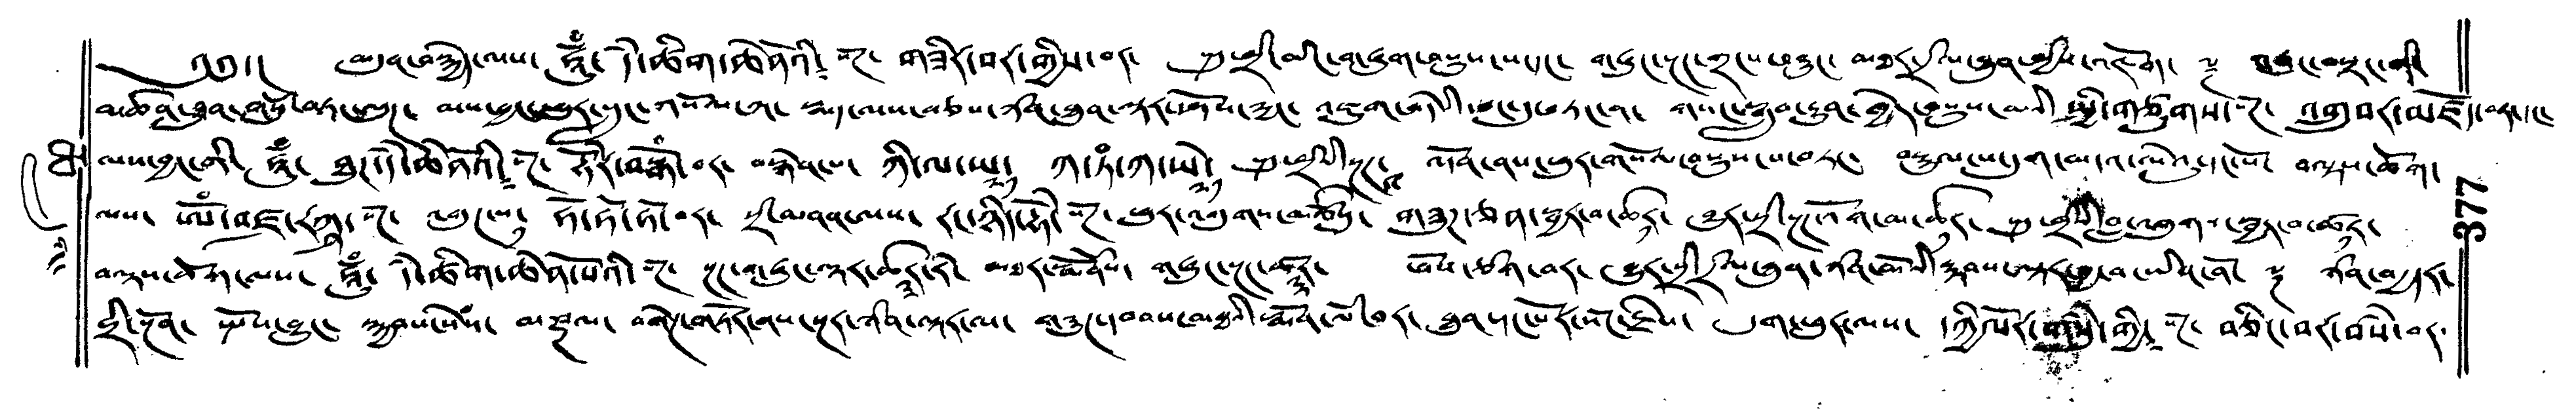མདུན་བསྐྱེད་ལས། ཧཱུྃ༔ དམ་ཚིག་ཆེན་པོའི༴སོགས། གཟིར་བར་གྱིས༔ བར། སྤུ་གྲིའི་མིང་གཞུག་བསྡུས་པ་དང་། གཞུང་སྔགས་གྲངས་བཟུང་། མཐར་དྲིལ་ཐུན་གྱིས་འཇོག ༈ གཞུང་བསྲང་གིས་
མཚན་ཐུན་གསུམ་གཏོང་ལུགས། ལས་བྱང་། ཕུར་སྲུང་གསོལ་ཀ སྨད་ལས་བཅས་ཉིན་ཐུན་ལྟར་དགོས་ཀྱང་། འཇུག་བདེའི་དབང་དུ་བཏང་ན། གསང་སྒྲུབ་རྒྱུན་ཁྱེར་བསྡུས་པའི། སྤྱི་གཙུག༴ སོགས། འགྲུབ་པར་མཛོད༔ བར་དང་། 
ལས་བྱང་གི། ཧཱུྃ༔ཐུགས་དམ་ཆེན་པོའི༴ སོགས། རྡོ་རྗེར་བསྒོམ༔ བར། བསྙེན་པ། ཀི་ལ་ཡ༴ ཉེར་གཅིག ཀ་ཏཾ་ཀ་ཡེ༴ ཉེར་གཅིག སྤུ་གྲིའི་སྔགས་དགུ་འདོན་ནས་ཕུར་གསོལ་བསྡུས་པ་བཏང་། བསྐུལ་པ་དུག་མདའ་ལེའུ་དང་པོ། བལྟས་ཆོག་
ལས། ཨོཾ་བཛྲ་རཀྴ༴ སོགས། འགུགས་པ་གཅིག ཧོ་ཧོ་ཧོཿ བར། སྲི་མནན་ལས། རང་ཉིད་རྡོ་རྗེ༴ སོགས། ཕུར་འགུགས་མཚམས་སུ། གཟུགས་ཅན༴ སྦྱར་བ་ཚར་གཅིག བྱུར་སྲི་སྔགས་འོག་མ་ཚར་གཅིག སྤུ་གྲིའི་བླ་འགུགས་སྦྱར་བ་ཚར་གཅིག 
བལྟས་ཆོག་ལས། ཧཱུྃ༔ དམ་ཚིག་ཆེན་པོའི༴ སོགས། སྔགས་གཞུང་ལྟར་ཚར་གསུམ་རེ། མཐར་སྨོན་ལམ། གཞུང་སྔགས་ཚར་གསུམ། ཕོབ་ཅིག༴ བར། བྱུར་སྲི་དྲིལ་ཐུན་ཉིན་མོའི་སྐབས་ལྟར་བྱ་བ་ཡིན་ནོ། ༈ ཉིན་བརྒྱད་
པར་ཧྲཱིཿསྔོན༴ སྤོས་ཕྱུང་། སྐྱབས་སེམས། མཎྜལ། བགེགས་གཏོར་ནས་སྔར་ཉིན་ལྟར་ལ། གཟུགས་དབབ་མཐའི་སྨོན་ལམ་བར། ཐུན་དང་པོ་སོང་རྗེས། དུག་ཕུར་ལས། དཀྱིལ་འཁོར་གསུམ་གྱི༴ སོགས། བཅིངས་བར་བསམ་བར།